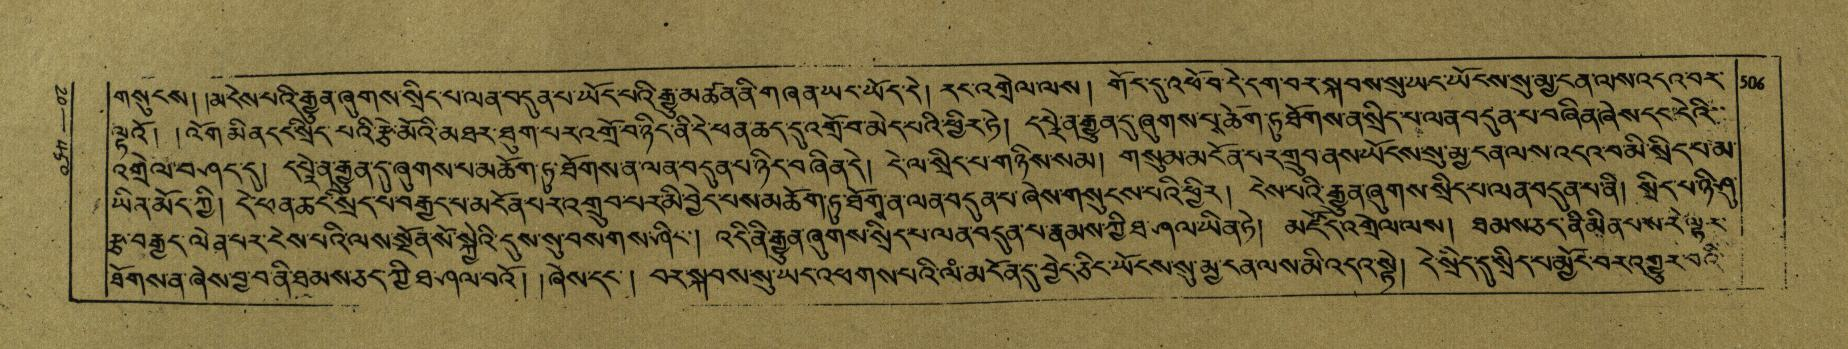གསུངས། །མ་ངེས་པའི་རྒྱུན་ཞུགས་སྲིད་པ་ལན་བདུན་པ་ཡོད་པའི་རྒྱུ་མཚན་ནི་གཞན་ཡང་ཡོད་དེ། རང་འགྲེལ་ལས། གོང་དུ་འཕོ་བ་དེ་དག་བར་སྐབས་སུ་ཡང་ཡོངས་སུ་མྱ་ངན་ལས་འདའ་བར་
ལྟའོ། །འོག་མིན་དང་སྲིད་པའི་རྩེ་མོའི་མཐར་ཐུག་པར་འགྲོ་བ་ཉིད་ནི་དེ་ཕན་ཆད་དུ་འགྲོ་བ་མེད་པའི་ཕྱིར་ཏེ། དཔེར་ན་རྒྱུན་དུ་ཞུགས་པས་ཆོག་ཏུ་ཐོགས་ན་སྲིད་པ་ལན་བདུན་པ་བཞིན་ཞེས་དང་དེའི་
འགྲེལ་བཤད་དུ། དཔེར་ན་རྒྱུན་དུ་ཞུགས་པ་མཆོག་ཏུ་ཐོགས་ན་ལན་བདུན་པ་ཉིད་བཞིན་དེ། དེ་ལ་སྲིད་པ་གཉིས་སམ། གསུམ་མངོན་པར་གྲུབ་ནས་ཡོངས་སུ་མྱ་ངན་ལས་འདའ་བ་མི་སྲིད་པ་མ་
ཡིན་མོད་ཀྱི། དེ་ཕན་ཆང་སྲིད་པ་བརྒྱད་པ་མངོན་པར་འགྲུབ་པར་མི་བྱེད་པས་མཆོག་ཏུ་ཐོགས་ན་ལན་བདུན་པ་ཞེས་གསུངས་པའི་ཕྱིར། ངེས་པའི་རྒྱུན་ཞུགས་སྲིད་པ་ལན་བདུན་པ་ནི། སྲིད་པ་ཉི་ཤུ་
རྩ་བརྒྱད་ལེན་པར་ངེས་པའི་ལས་སྔོན་སོ་སྐྱེའི་དུས་སུ་བསགས་ཤིང་། འདི་ནི་རྒྱུན་ཞུགས་སྲིད་པ་ལན་བདུན་པ་རྣམས་ཀྱི་ཐ་ཤལ་ཡིན་ཏེ། མཛོད་འགྲེལ་ལས། ཐམས་ཅད་ནི་མིན་པས་རེ་ལྟར་
ཐོགས་ན་ཞེས་བྱ་བ་ནི་ཐམས་ཅད་ཀྱི་ཐ་ཤལ་བའོ། །ཞེས་དང་། བར་སྐབས་སུ་ཡང་འཕགས་པའི་ལཾ་མངོན་དུ་བྱེད་ཅིང་ཡོངས་སུ་མྱ་ངན་ལས་མི་འདའ་སྟེ། དེ་སྲིད་དུ་སྲིད་པ་མྱོང་བར་འགྱུར་བའི་